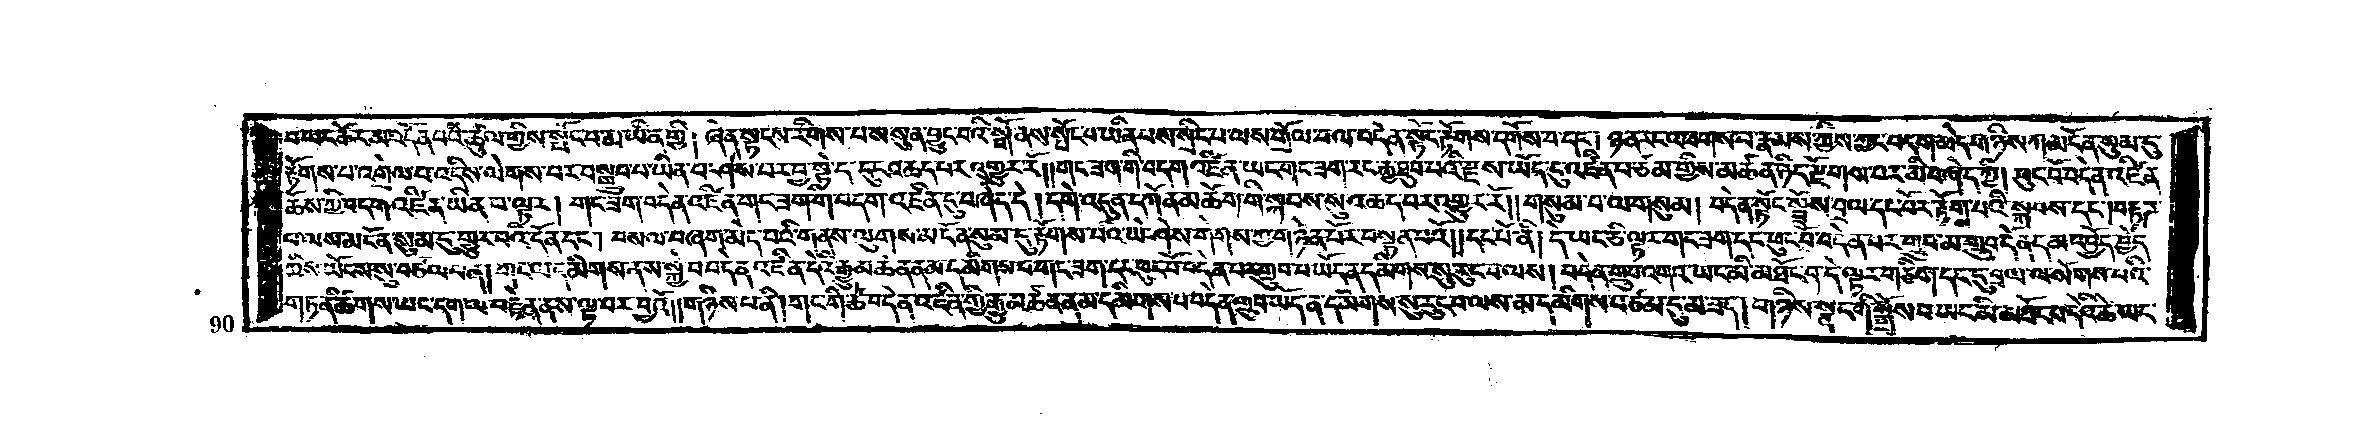བ་ཡང་ཚོར་བ་འདོན་པའི་ཚུལ་གྱིས་སྤོང་བ་མ་ཡིན་གྱི། ཞེན་སྟངས་རིགས་པས་སུན་བྱུང་བའི་སྒོ་ནས་སྤོང་བ་ཡིན་པས་སྲིད་པ་ལས་གྲོལ་བ་ལ་བདེན་སྟོང་རྟོགས་དགོས་པ་དང་། ཉན་རང་འཕགས་པ་རྣམས་ཀྱིས་ཀྱང་བདག་མེད་གཉིས་ཀ་མངོན་སུམ་དུ་
རྟོགས་པ་འགྲེལ་བ་འདྲིས་ལེགས་པར་བསྒྲུབ་པ་ཡིན་པ་ཤེས་པར་བྱ་སྟེ་ད་དུང་འཆད་པར་འགྱུར་རོ། །གང་ཟག་གི་བདག་འཛིན་ཡང་གང་ཟག་རང་རྒྱ་ཐུབ་པའི་རྫས་ཡོད་དུ་འཛིན་པ་ཙམ་གྱིས་མཚན་ཉིད་རྫོགས་པར་མི་བཞེད་ཀྱི། ཕུང་པོ་བདེན་འཛིན་
ཆོས་ཀྱི་བདག་འཛིན་ཡིན་པར་ལྟར། གང་ཟག་བདེན་འཛིན་གང་ཟག་གི་བདག་འཛིན་དུ་བཞེད་དེ། དགེ་འདུན་དཀོན་མཆོག་གི་སྐབས་སུ་འཆད་པར་འགྱུར་རོ། །གསུམ་པ་ལ་གསུམ། བདེན་སྟོང་སྤྲོས་བྲལ་དང་པོར་རྟོག་པའི་སྐབས་དང་། བརྟགས་
པ་ལས་མངོན་སུམ་དུ་གྱུར་པའི་དོན་དང་། བསལ་བཞག་མེད་པའི་གནས་ལུགས་མངོན་སུམ་དུ་རྟོགས་པའི་ཡེ་ཤེས་གེགས་ཀྱི་གཉེན་པོར་བསྟན་པའོ། །དང་པོ་ནི། དེ་ཡང་ཅི་ལྟར་གང་ཟག་དང་ཕུང་པོ་བདེན་པར་གྲུབ་མ་གྲུབ་དོན་དམ་འབྱོད་བྱེད་
ཀྱིས་ཡོངས་སུ་བཙལ་བ་ན། གང་ལ་དམིགས་ནས་སྐྱེ་བ་བདེན་འཛིན་དེའི་རྒྱུ་མཚན་ནམ་དམིགས་པ་གང་ཟག་དང་ཕུང་པོ་བདེན་པར་གྲུབ་པ་ཡོད་ན་དམིགས་སུ་རུང་བ་ལས། བདེན་གྲུབ་འགའ་ཡང་མི་མཐོང་བ་དེ་ལྟར་གཅིག་དང་དུ་བྲལ་ལ་སོགས་པའི་
གཏན་ཚིགས་ཡང་དག་ལ་བརྟེན་ནས་ལྟ་བར་བྱའོ། །གཉིས་པ་ནི། གང་གི་ཚེ་བདེན་འཛིན་གྱི་རྒྱུ་མཚན་ན་མ་དམིགས་པ་བདེན་གྲུབ་ཡོད་ན་དམིགས་སུ་རུང་བ་ལས་མ་དམིགས་པ་ཙམ་དུ་མ་ཟད། གཉིས་སྣང་གི་སྒྲོས་པ་ཡང་མི་མཐོང་བ་དེའི་ཚེ་ཡང་